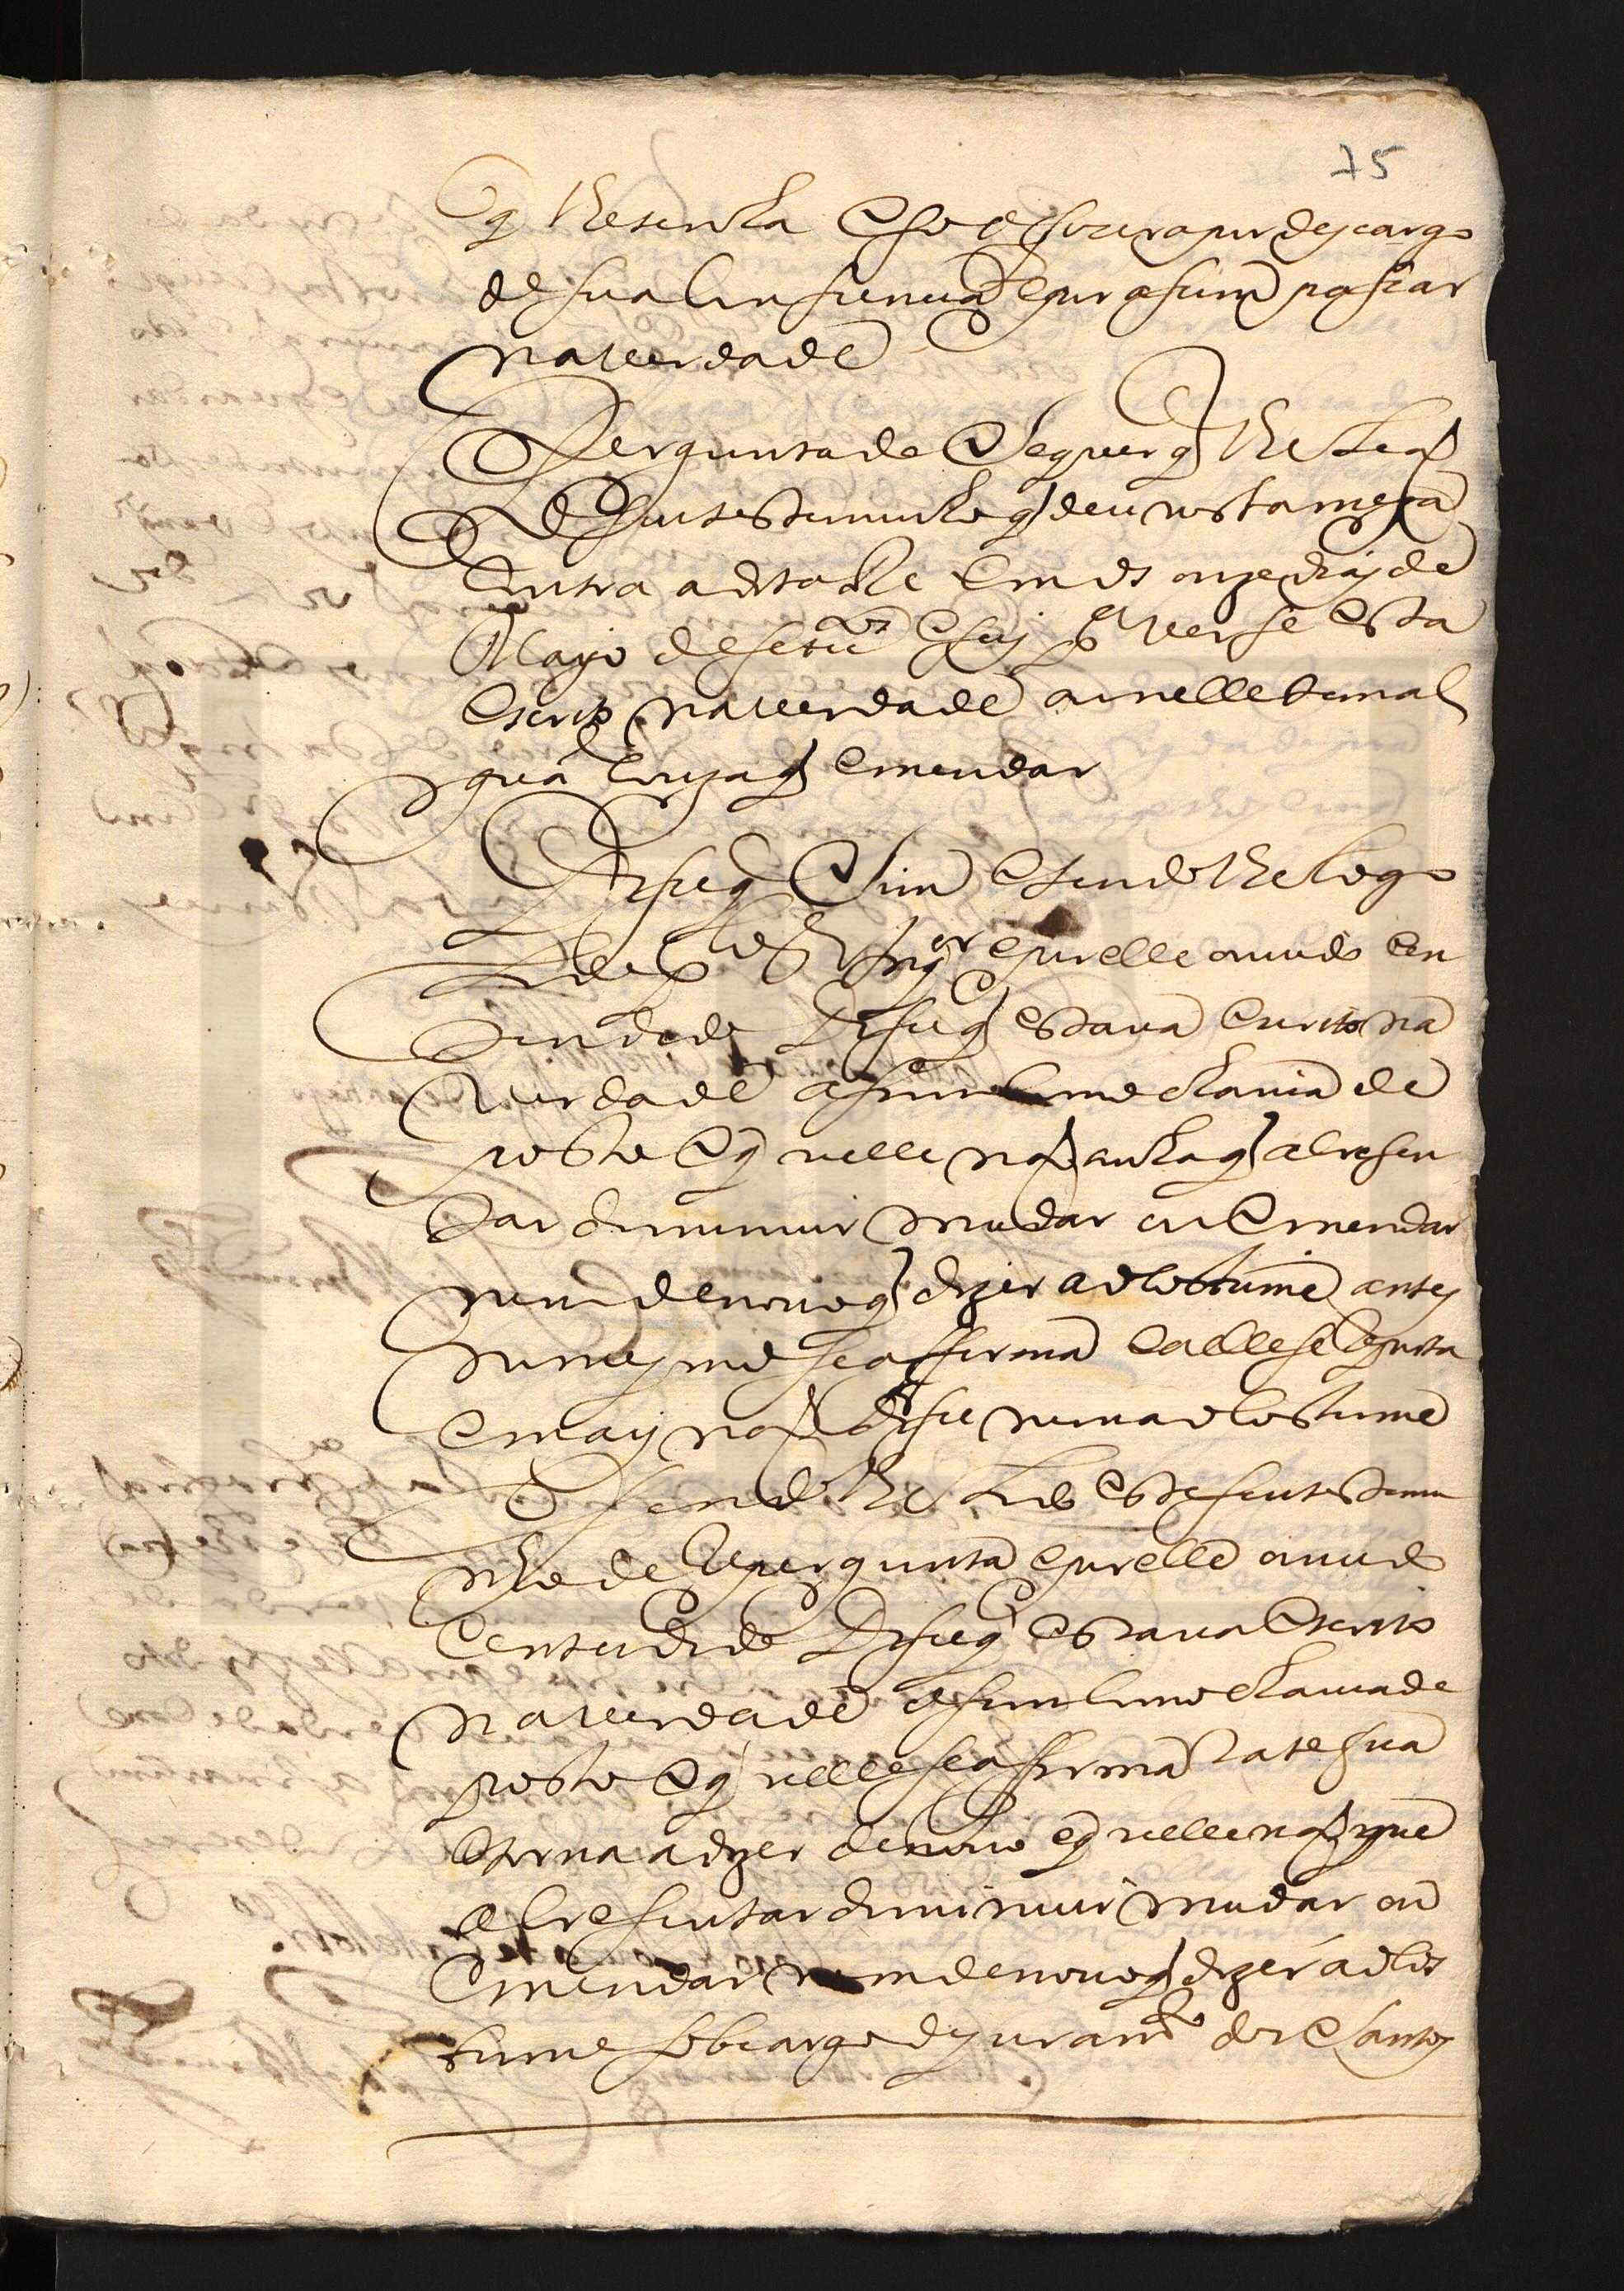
q̄ lhe tenha E so o fizera por descargo
de sua Consiencia e por assim passar
na verdade
Perguntado Se quer q̄ lhe Leaõ
seu testemunho q̄ deu nesta meza
contra a dita Re em os onze dias de
Mayo de setce.tos e seis p.a ver se esta
Escrito na verdade ou nelle tem al
guā couza q̄ emendar
Disse q̄ Sim, e sendo lhe logo
Lido p.lo sr. Inq.or e por elle ouuido e en
tendido Disse q̄ estava escrito na
verdade asim como hauia de
posto e q̄ nelle naõ tinha q̄ acresen
tar deminuir mudar ou emendar
nem de nouo q̄ dizer ao costume antes
no mesmo se affirma e a elle se Reporta
e mais naõ disse nem ao Costume
E sendolhe Lido este seu testemu
nho de Repergunta e por elle ouuido
e entendido Disse q̄ estaua escrito
na verdade asim como o havia de
posto e q̄ nelle se affirma Ratefica
torna a dizer de nouo e q̄ nelle naõ que
acresentar diminuir mudar ou
Emendar nem de nouo q̄ dizer ao cos
tume sob cargo do juram.to dos Santos
